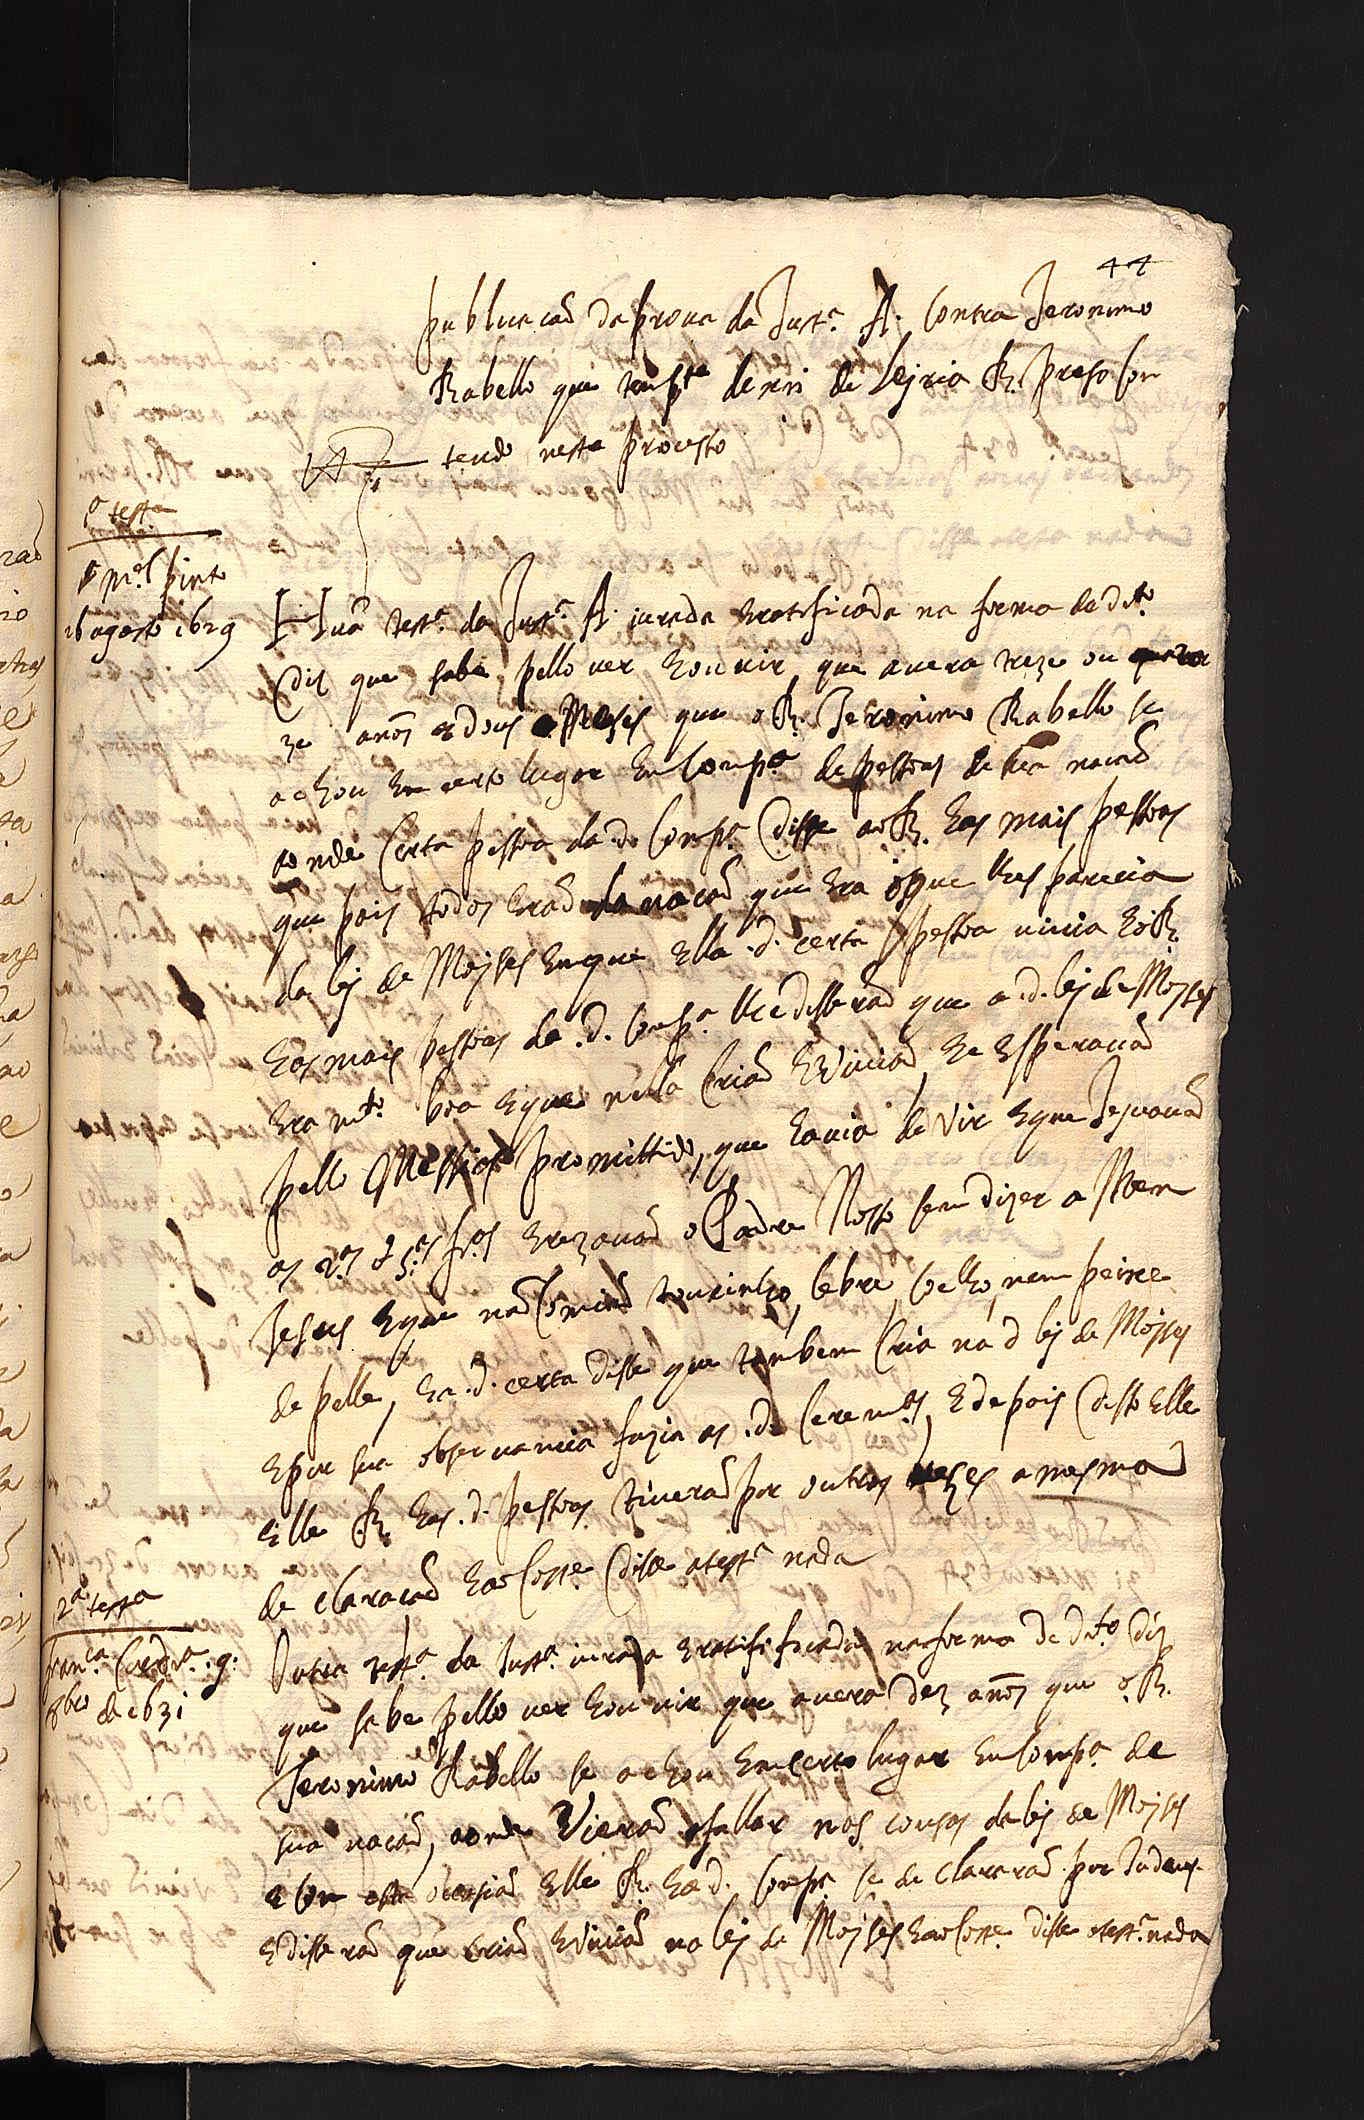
publicacaõ da proua da Just.a A. contra Jeronimo
Rabello que ten pte de xn de Lejria R. preso Con
teudo neste processo
Huā testa. da Justa. A. iurada E rateficada na forma de drto.
diz que sabe pello uer E ouuir que auera treze ou quator
ze anōs E dous _Meses que o R. Jeronimo Rabello se
achou Em certo lugar En Comp.a de pessoas de sua nacaõ
aonde Certa pessoa da .d. Conp.a disse ao R. E as mais pessoas
que pois todos Eraõ da nacaõ que Era o que lhes parecia
da lej de Mojses En que Ella .d. certa pessoa uiuia E o R.
E as mais pessoas da .d. Conp.a lhe disseraõ que a .d. lej de Mojses
Era mto. boa E que nella Criaõ E Viuiaõ Ee Esperauaõ
pello Messias promittido, que hauia de vir E que Jejuauaõ
as 2.as e 5.as fr.as E rezauaõ o Padre Nosso sem dizer aMen
Jesus E que naõ Comiaõ toucinho, lebre, Coelho, nem peixe
de pelle, E a .d. certa disse que tambem Cria na d lej de Mojses
E por sua obseruancia fazia as .d. Cerem.as, E depois disso Elle
Elle R. E as .d. pessoas tiueraõ por outras _ezes a mesma
declaraçaõ E ao Cost.e disse a testa nada
Outra test.a da Iust.a iurada E ratificada na forma de dr.to diz
que sabe pello uer E ouuir que auera dez an̄os que o .R.
Jeronimo Rabello se achou En certo lugar En Comp.a de
sua nacaõ, aonde Vieraõ a fallar nas cousas da lej de Mojses
E con esta occasiaõ Elle R. E a .d. Conp.a se declararaõ por Iudeus
E disseraõ que criaõ E viuiaõ na lej de Mojses E ao cost.e disse a test.a nada
